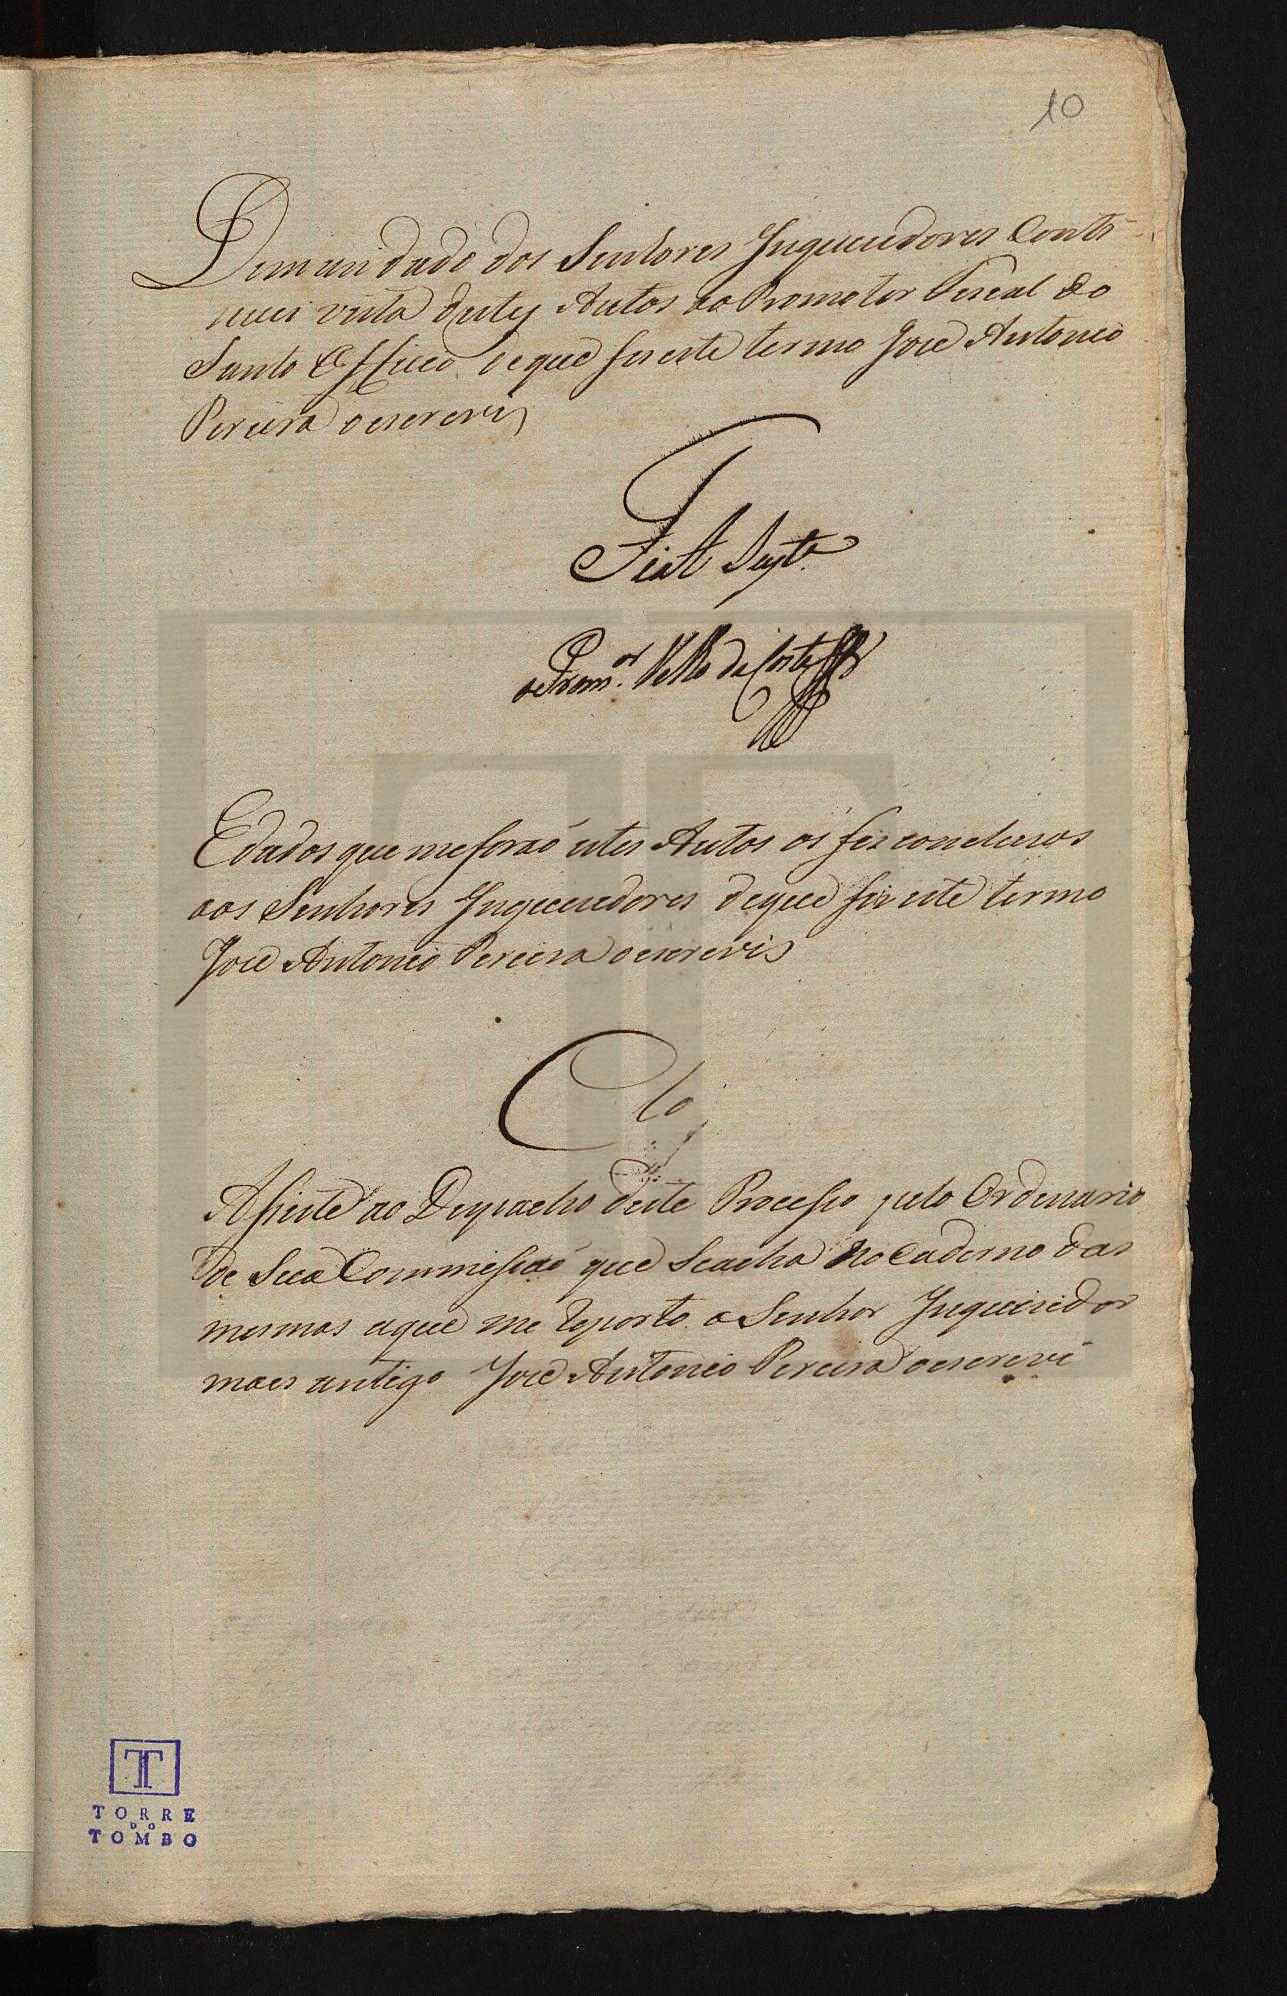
Demandado dos Senhores Inquizidores cont
nuei vista destes Autos ao Promotor Fiscal do
Santo Officio, de que fis este termo Joze Antonio
Pereira escrevi
Fiat Iuste
o Promo.or Velho da Costa
E dados que me foraõ estes Autos os fiz concluzos
aos Senhores Inquizidores de que fiz este termo
Joze Antonio Pereira o escrevi
Assiste ao Despacho deste Processo pelo Ordenario
de Sua Commissaõ que Se acha no caderno das
mesmas a que me Reporto o Senhor Inquizidor
mais antigo Joze Antonio Pereira o escrevi
